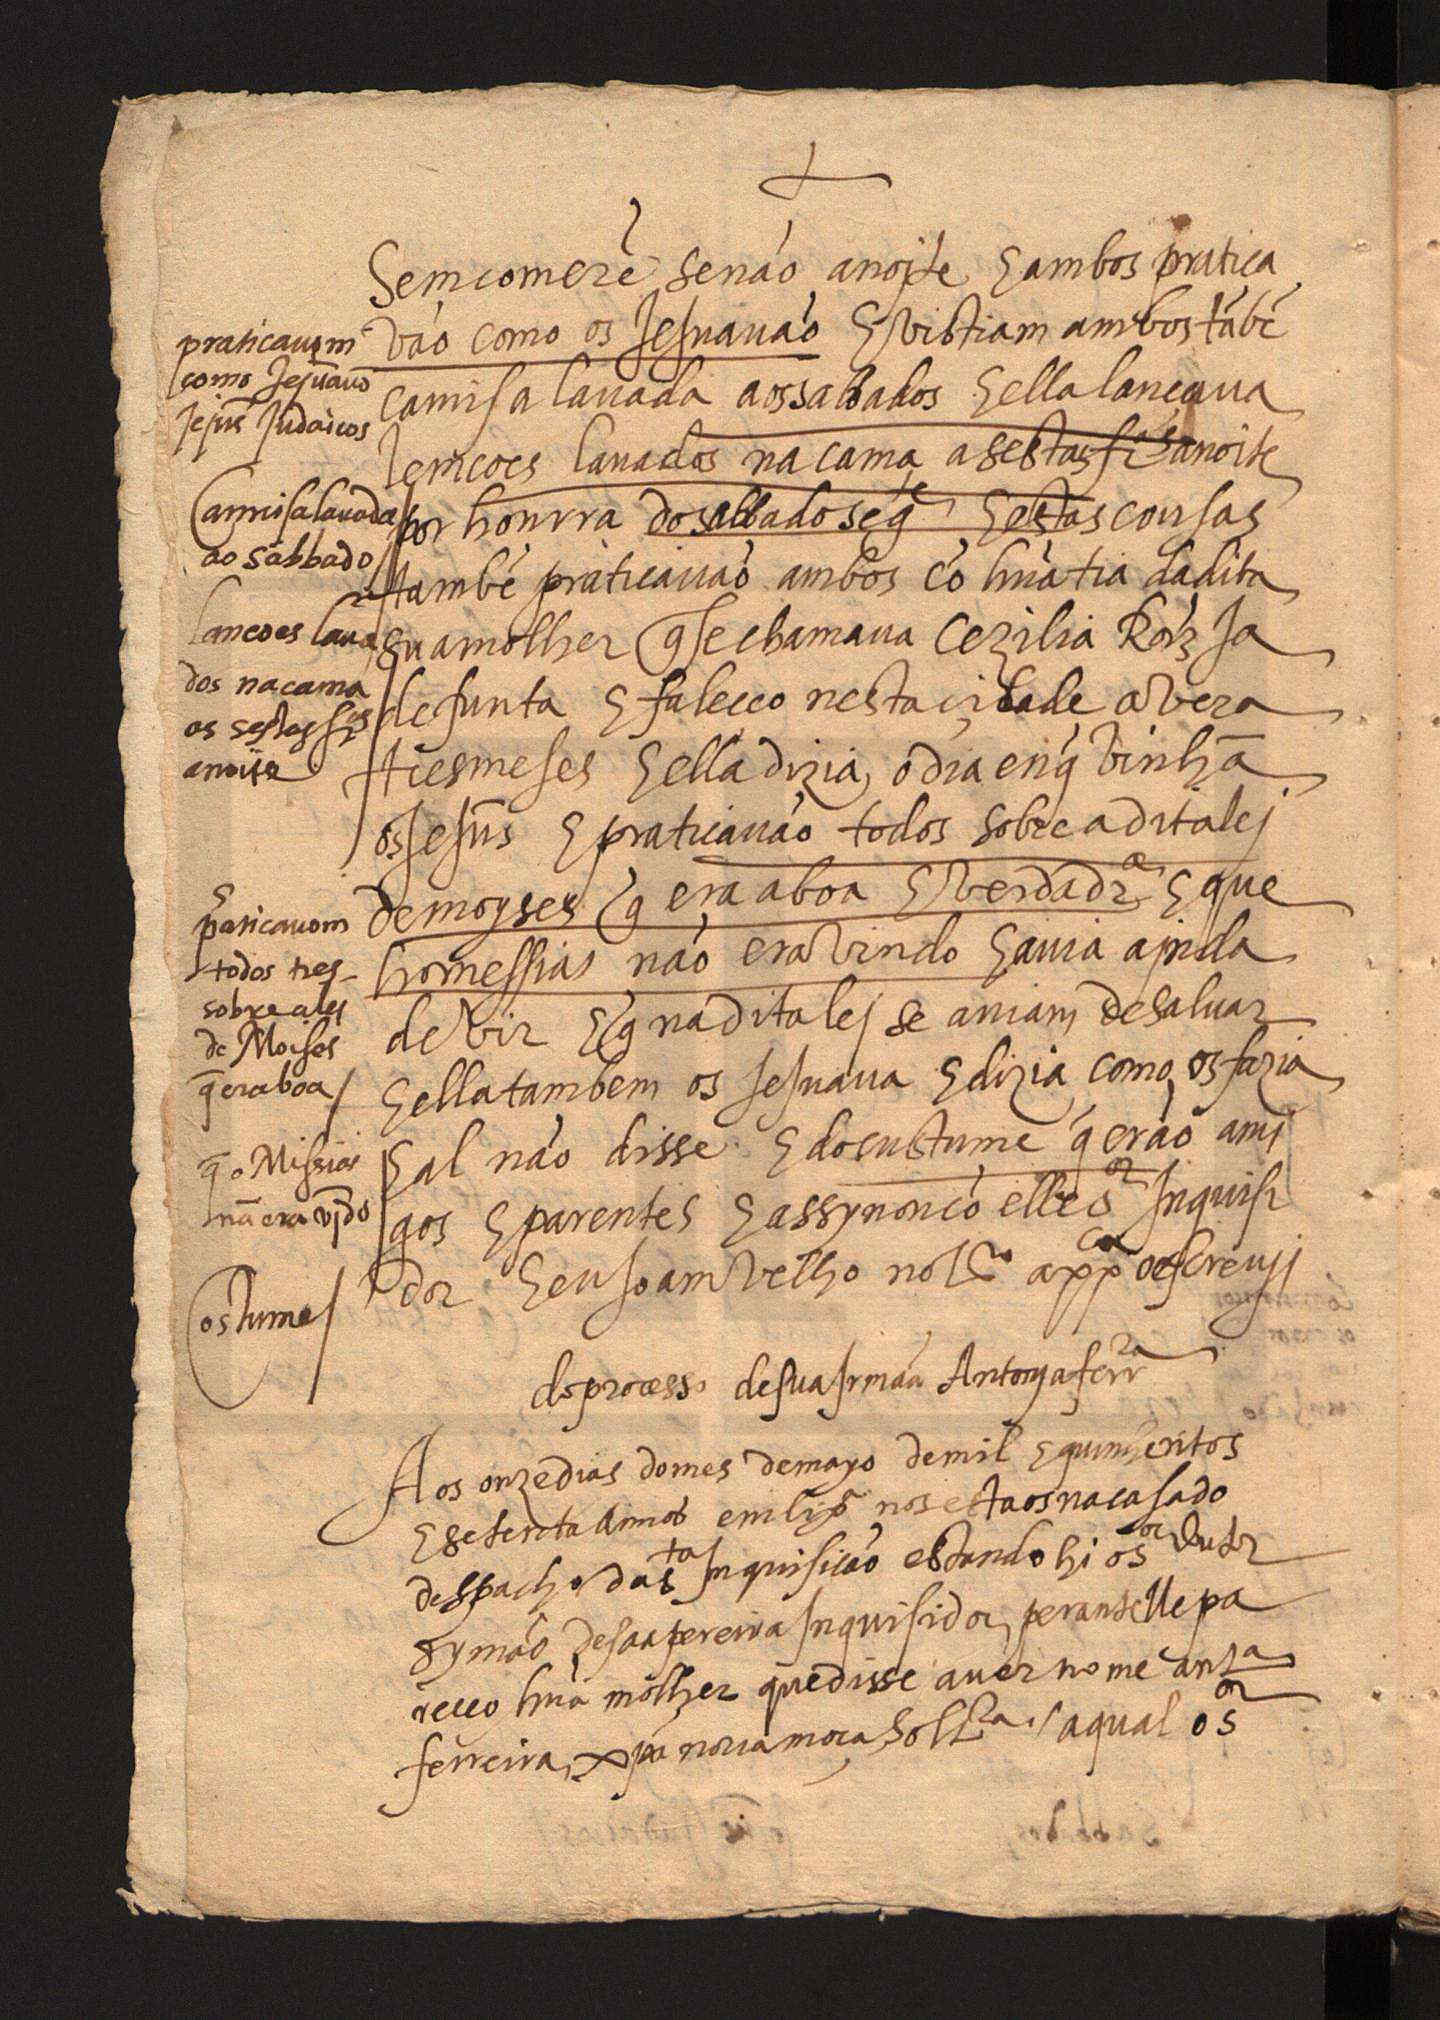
Sem comere̅ senão a nojte E ambos pratica
vão como os Jejuauaõ E vistiam ambos ta̅be̅
camisa lauada aos sabbados E ella lançaua
lemcoes lauados na cama a sestas fras a noite
por honrra do sabbado segte E estas cousas
tambe̅ praticauaõ ambos co̅ hu̅a tia da dita
sua molher q̅ se chamaua cezilia Roi̅z Ja
defunta E faleceo nesta çidade avera
tres meses E ella dizia o dia en q̅ vinha̅
os Jeju̅s E praticauão todos sobre a dita lej
de moyses q̅ era a boa E verdadra E que
ho messias não era vindo E auia ajnda
de vir E q̅ na dita lej se auiam de saluar
E ella tambem os JeJuaua E dizia como os fazia
E al não disse E do custume q̅ erão amj
gos E parentes E assynou co̅ elle sor Jnquisi
dor E eu Joam velho notro appco o escreujj
do processo de sua Jrmaã Antonja ferrra
Aos onze dias do mes de mayo de mil E quinhentos
E setenta annos em lixa nos estaos na casa do
despacho da sta Jnquisicão estando hi o sor doutor
symaõ de saa pereira Jnquisidor perantelle pa
receo hu̅a molher que disse auer nome de anta
ferreira, xpã noua moça soltra / a qual o sor
